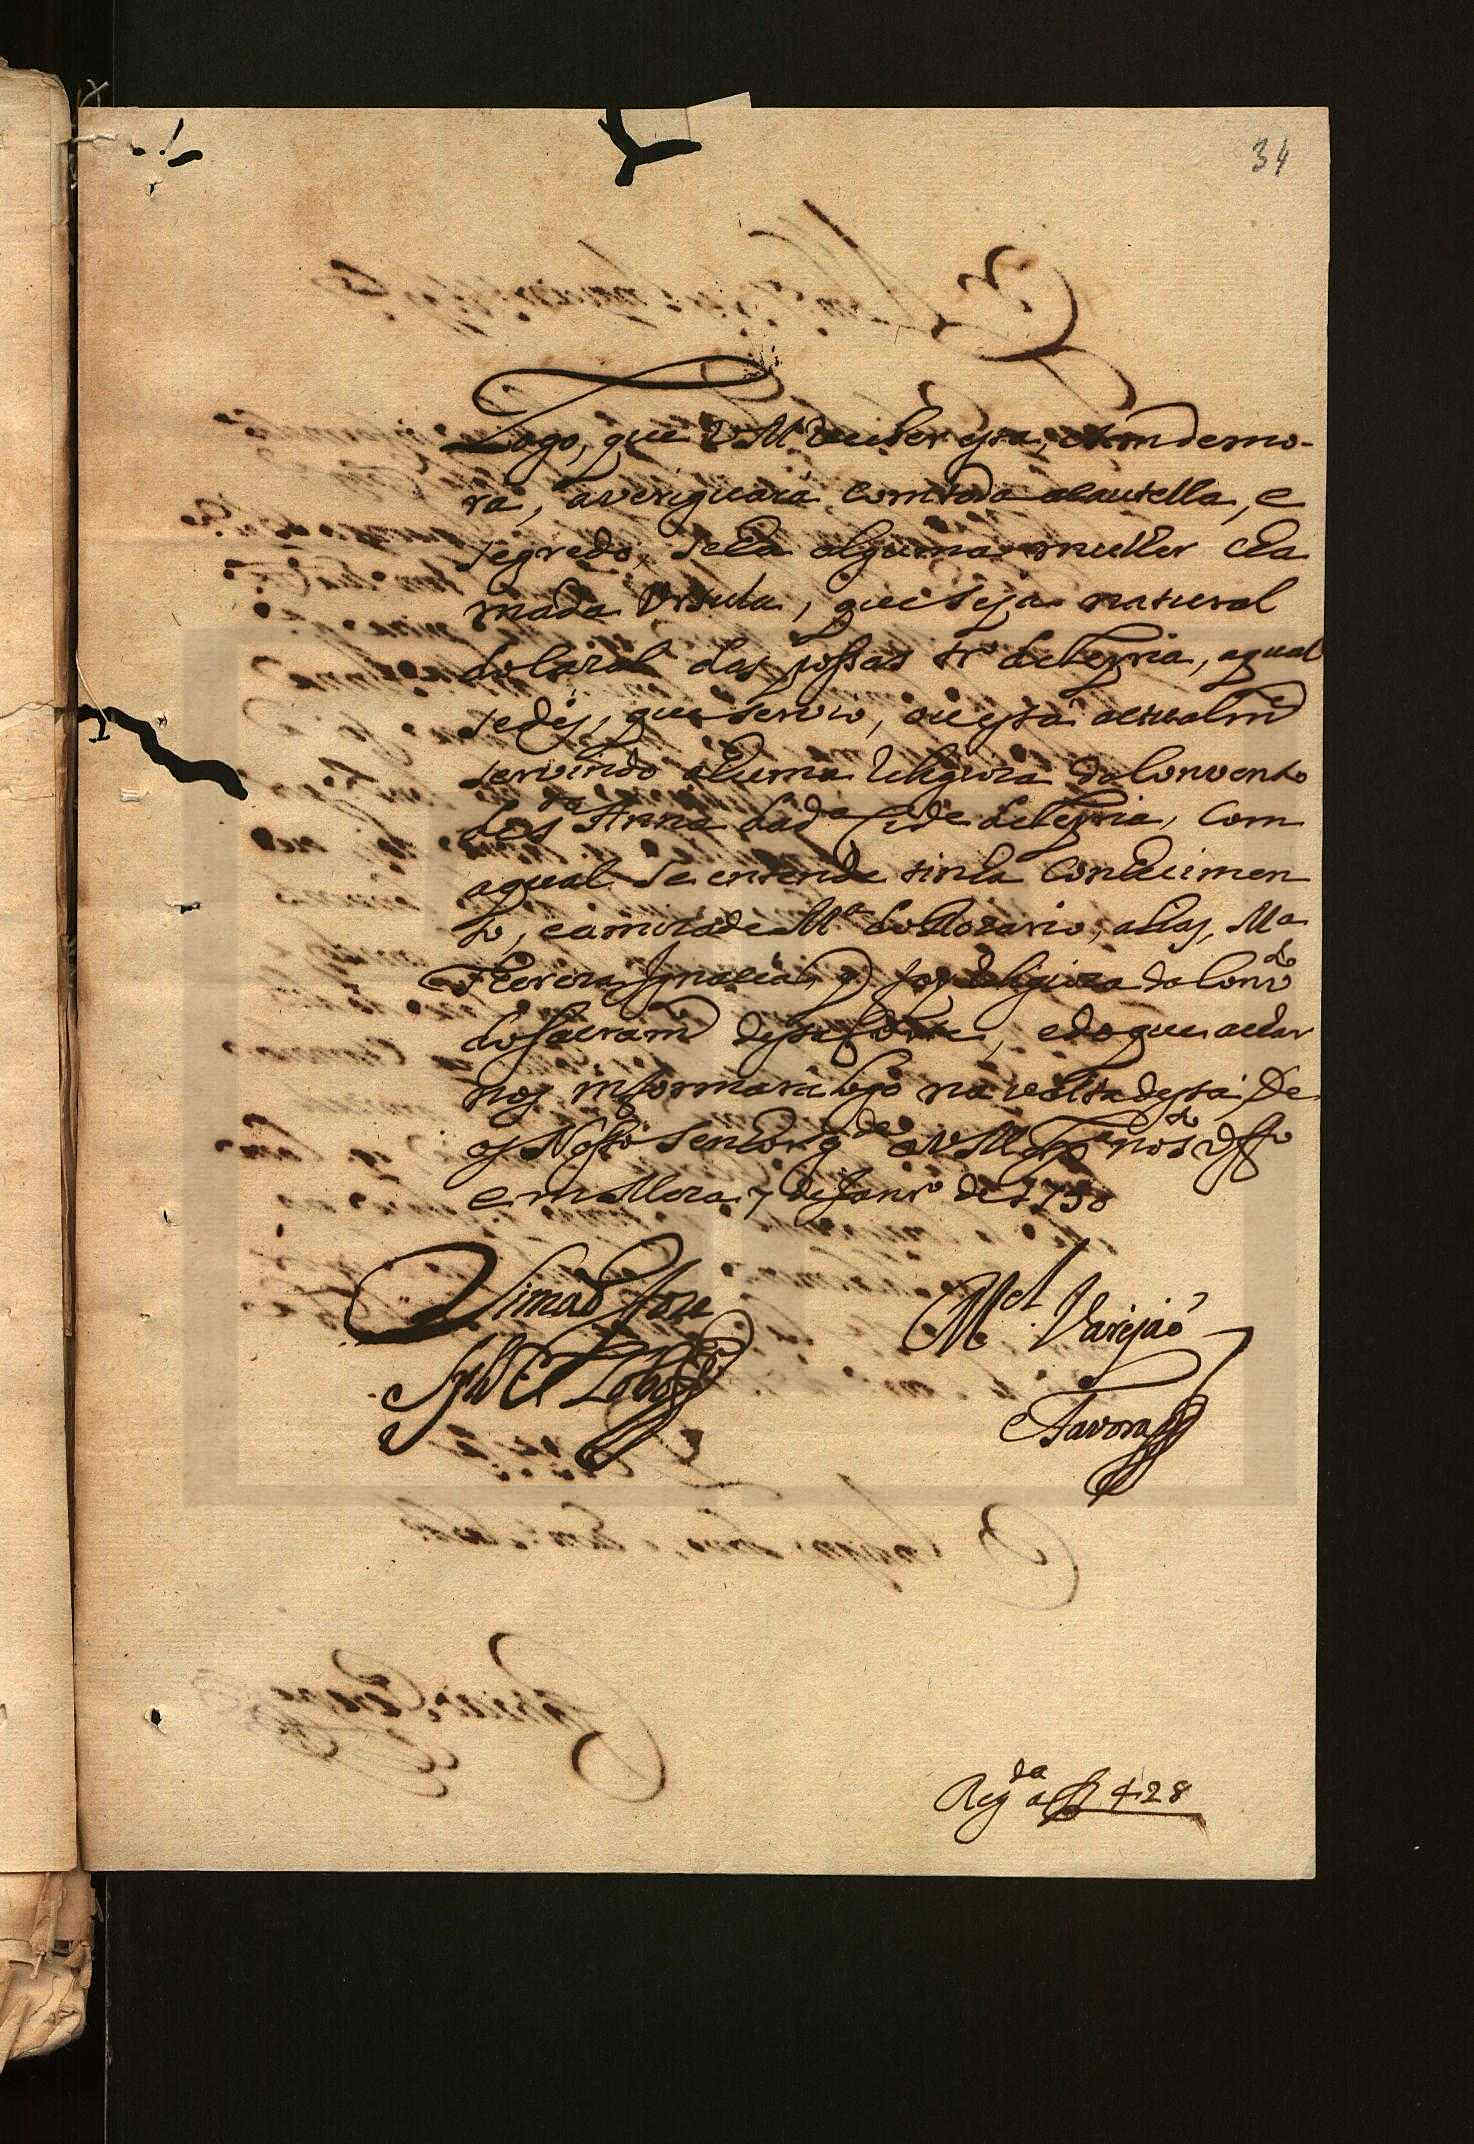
Logo, que VM Receber esta, e sem demo
ra, averiguará com toda a cautella, e
segredo, se ha alguma mulher cha
mada Vrsula, que seja natural
do Cazal dos possas tr.o de Leyria, a qual
se dis, que servio, ou esta actualmte
servindo a huma Religioza do Convento
de Sta Anna da da Cide de Leyria, com
a qual se entende tinha conhecimen
to, e amizade Ma do Rozario, alias, Ma
Thereza Jgnacia q̄. foy Religioza do Convto
do sacramto desa Corte, e do que achar
nos informara Logo na volta desta De
os Nosso Senhor gde a vM Lxa no sto Offo
em Meza 7 de Janro de 1750
Simaõ Joze
Mel Varijaõ
Sylvr Lobo
Tavora
Regda a fl 428
